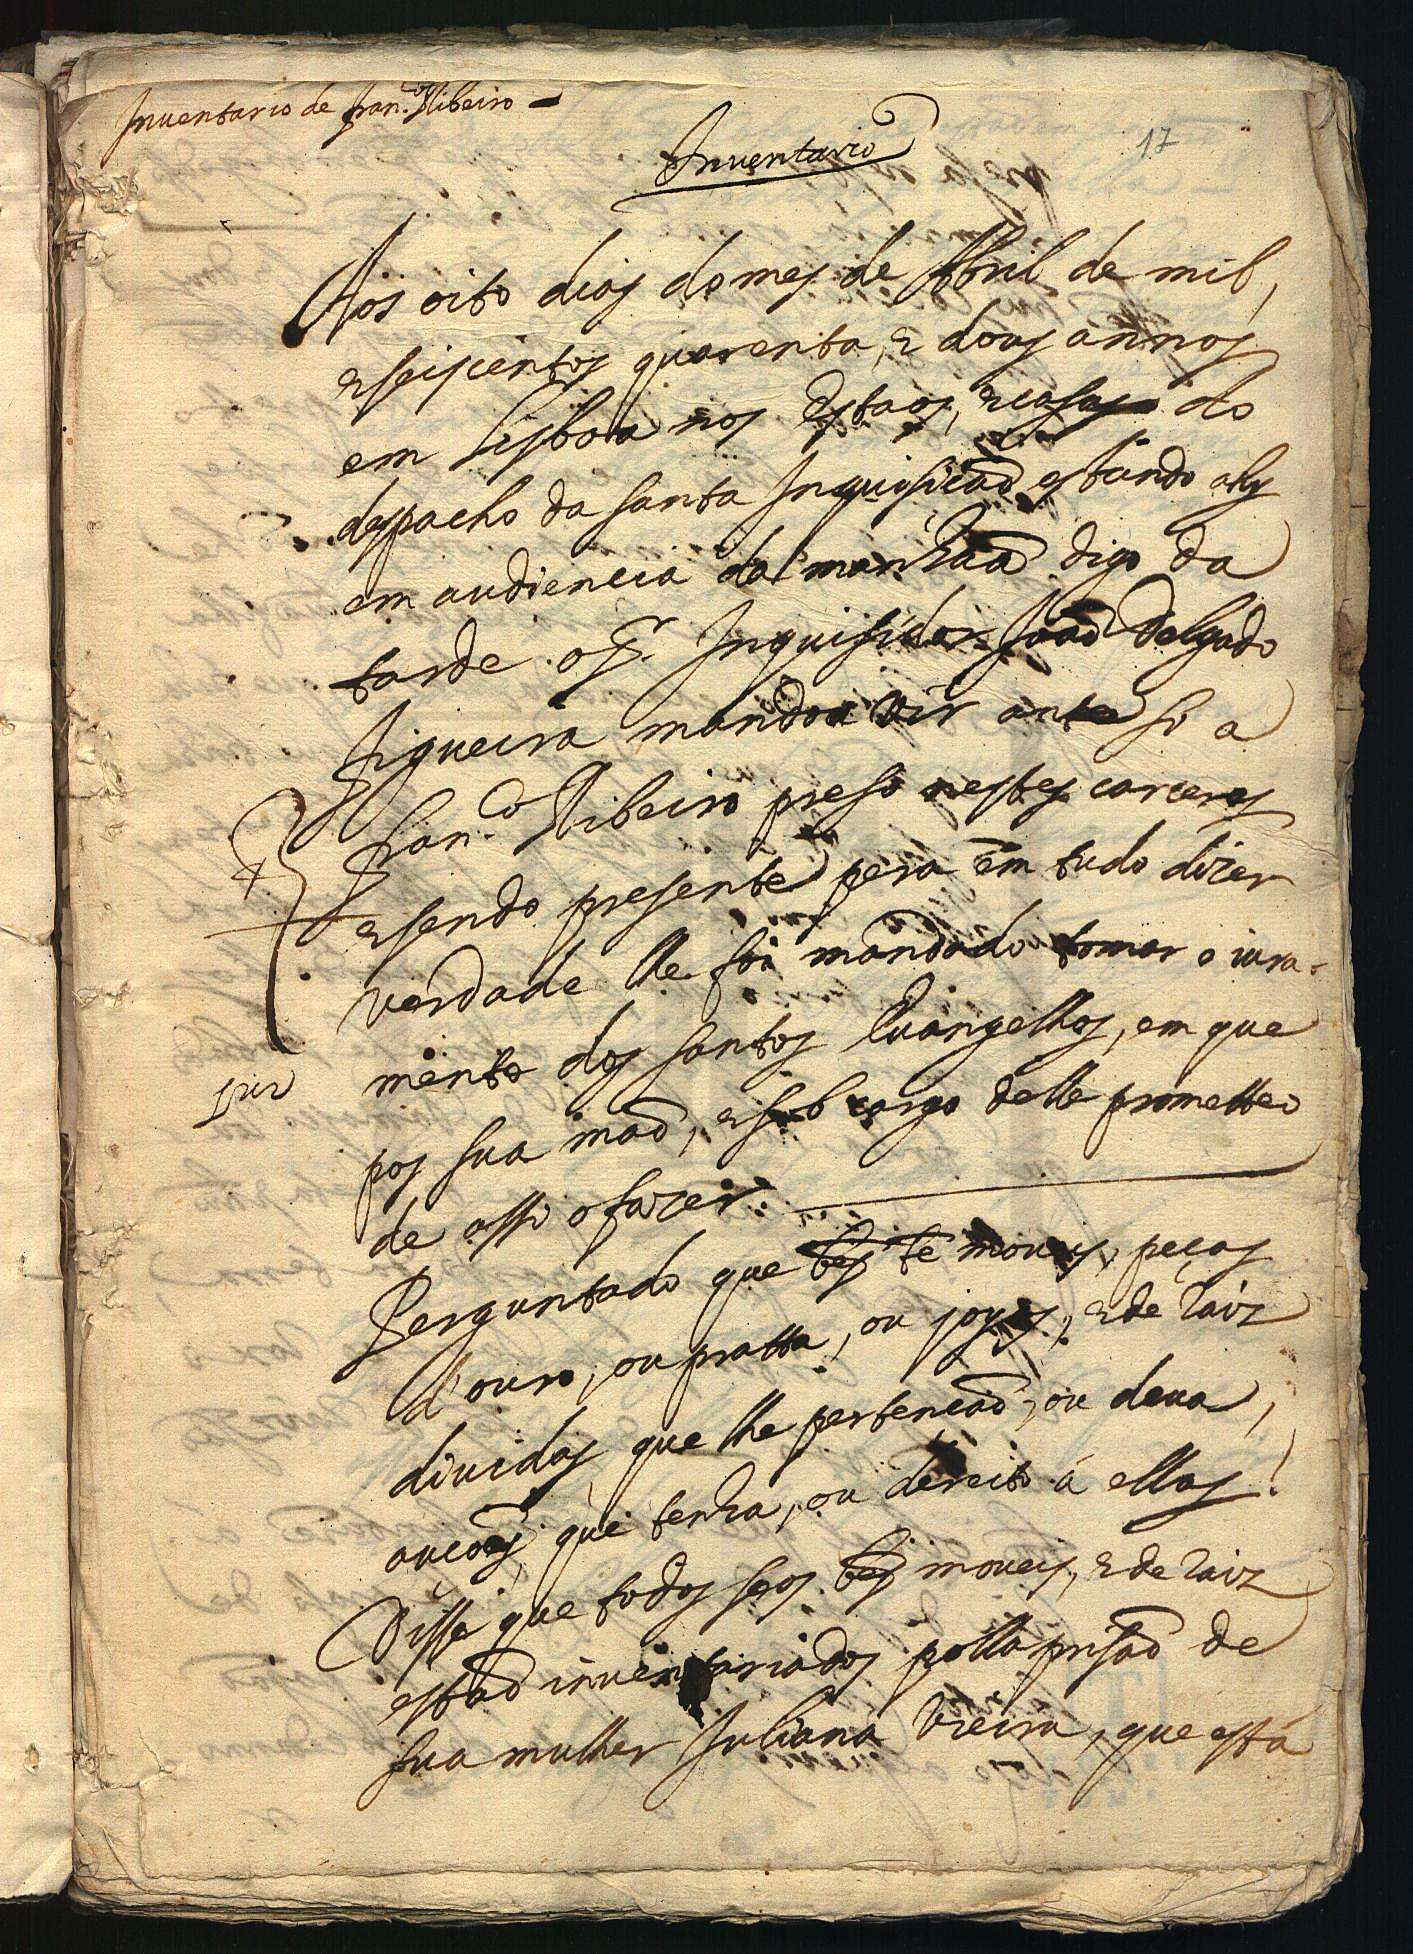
Inuentario
Aos oito dias do mes de Abril de mil,
E seiscentos quarenta, E dous annos
em Lisboa nos Estaos, E casas do
despacho da santa Jnquisiçaõ estando ahy
em audiencia da manhaã digo da
tarde o s.r Jnquisidor Joaõ Delgado
figueira mandou vir ante si a
fran.co Ribeiro preso nestes carceres
e sendo presente pera em tudo dizer
verdade lhe foi mandado tomar o iura
mento dos santos euangelhos, em que
pos sua maõ, e sob cargo delle prometteo
de assi o fazer.
Perguntado que bēs tē moueis, peças
d'ouro, ou pratta, ou joy_s, E de Raiz
diuidas que lhe pertençaõ, ou deua,
auções, que tenha, ou dereito á ellas?
Disse que todos seos bēs moueis, E de Raiz
estaõ inuentariados polla prisaõ de
sua mulher Juliana Vieira, que está
Jnuentario de fran.co Ribeiro
jur
